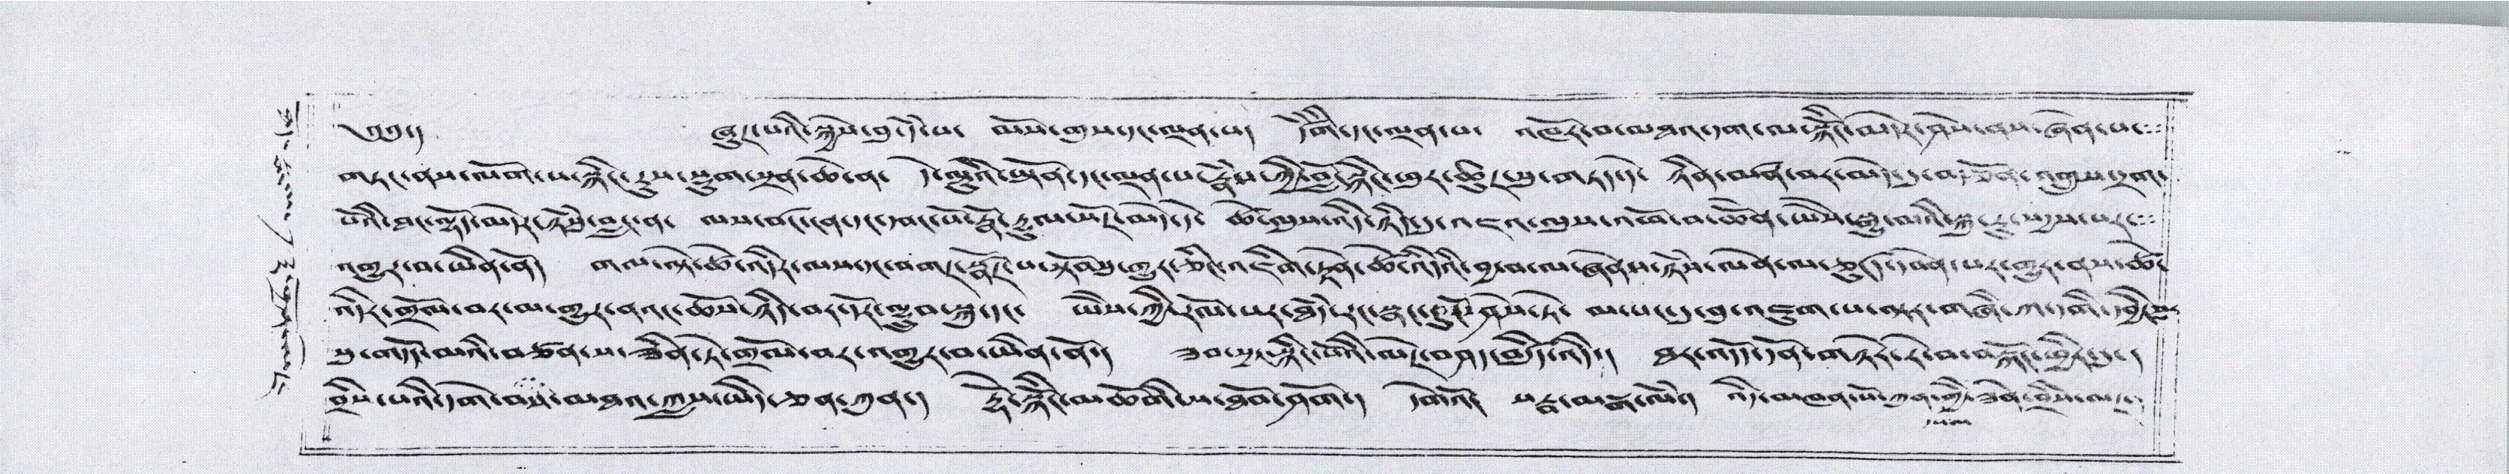ཞུགས་པའི་སྐྱེས་བུ་དམ་པ་མོས་གུས་དང་ལྡན་པ། དམ་ཚིག་དང་ལྡན་པ། འཁོར་བ་མཐའ་དག་ལ་སྙིང་པོ་མེད་པར་ཤེས་ནས་ཞེན་པ་
གཏིང་ནས་ལོག་པ་སྙིང་རུས་སྡུག་བསྲན་ཆེ་ན། དེ་ལྟ་བུའི་ཡོན་ཏན་ལྡན་པ་རྣམས་ཀྱི་བློ་སྙིང་ཕུར་ཚུགས་སུ་གཏད་དེ་ཉིན་མཚན་བར་མེད་དུ་བརྩོན་འགྲུས་དྲག་
པོའི་ཐང་ལྷོད་མེད་པར་ཉམས་སུ་བླང་ན་ལས་བཟང་ངན་དབང་པོ་རྣོ་རྟུལ་སོགས་མེད་དེ། ཚེ་ལུས་འདི་ཉིད་དུ་འཇའ་ལུས་འཕོ་བ་ཆེན་པོ་ཡེ་ཤེས་སྒྱུ་མའི་སྐུ་རུ་སངས་རྒྱས་པར་
འགྱུར་བ་ཡིན་ནོ། གལ་ཏེ་ཚེ་འདིར་ལས་དང་བག་ཆགས་སྣ་ཚོགས་པ་སྟོབས་སུ་གྱུར་ཅིང་། འཇིག་རྟེན་ཚེ་འདིའི་བྱ་བ་ལ་ཞེན་ནས་ཉམས་ལེན་ལ་ཅུང་ཟད་དབེན་པར་གྱུར་ནས་ཚེ་
འདིར་གྲོལ་བར་མ་གྱུར་ནའང་ཆོས་ཉིད་བར་དོར་ལྷུན་གྲུབ་སྐུ་དང་ཡེ་ཤེས་ཀྱི་རོལ་པར་ཐམས་ཅད་རང་སྣང་དུ་ངོ་ཤེས་ཏེ་མ་པང་དུ་བུ་འཇུག་པ་ལྟར་གཞི་ཀ་དག་གི་དབྱིངས་
སུ་གདོད་མའི་བཙན་ས་ཟིན་ཏེ་གྲོལ་བར་འགྱུར་བ་ཡིན་ནོ། །ཟབ་གསང་སྙིང་པོའི་ལེགས་བཤད་བདུད་རྩི་འདི། ཐར་འདོད་དོན་གཉེར་རེ་བ་བསྐང་ཕྱིར་དུ། 
བྲིས་པའི་དགེ་བ་མཐའ་ཀླས་ཡིད་ཅན་ཀུན། རྡོ་རྗེ་སྙིང་པོ་མཆོག་གི་ས་ཐོབ་ཤོག དགེའོ། སརྦ་མངྒ་ལམ། འདི་མཁན་པོ་ཀུན་དཔལ་གྱི་ཟིན་བྲིས་ལགས། །